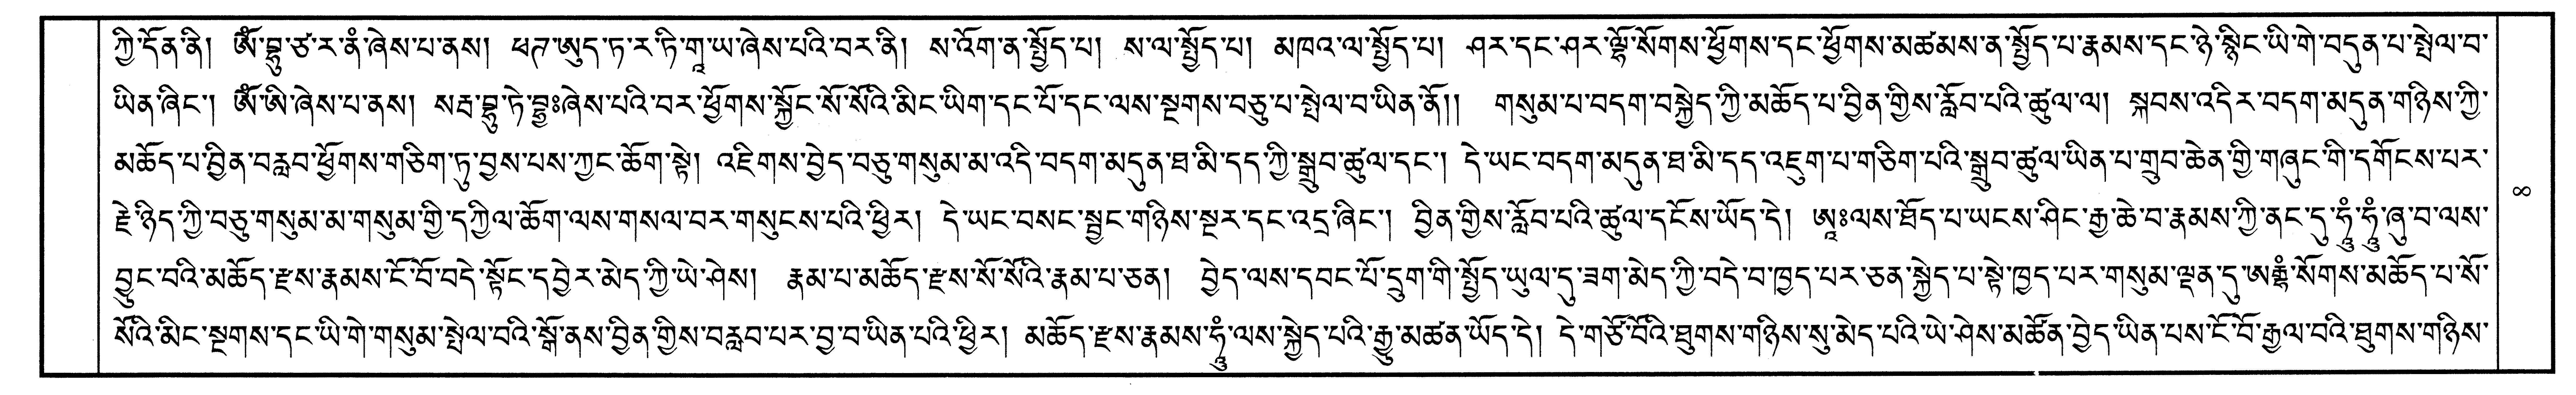ཀྱི་དོན་ནི། ཨོཾ་བྷུ་ཙ་ར་ནཾ་ཞེས་པ་ནས། ཕཊ་ཨུད་ཏ་ར་ཏི་གཱ་ཡ་ཞེས་པའི་བར་ནི། ས་འོག་ན་སྤྱོད་པ། ས་ལ་སྤྱོད་པ། མཁའ་ལ་སྤྱོད་པ། ཤར་དང་ཤར་ལྷོ་སོགས་ཕྱོགས་དང་ཕྱོགས་མཚམས་ན་སྤྱོད་པ་རྣམས་དང་ཉེ་སྙིང་ཡི་གེ་བདུན་པ་སྤེལ་བ་
ཡིན་ཞིང་། ཨོཾ་ཨི་ཞེས་པ་ནས། སརྦ་བྷུ་ཏེ་བྷྱཿ ཞེས་པའི་བར་ཕྱོགས་སྐྱོང་སོ་སོའི་མིང་ཡིག་དང་པོ་དང་ལས་སྔགས་བཅུ་པ་སྤེལ་བ་ཡིན་ནོ།། གསུམ་པ་བདག་བསྐྱེད་ཀྱི་མཆོད་པ་བྱིན་གྱིས་རློབ་པའི་ཚུལ་ལ། སྐབས་འདིར་བདག་མདུན་གཉིས་ཀྱི་
མཆོད་པ་བྱིན་བརླབ་ཕྱོགས་གཅིག་ཏུ་བྱས་པས་ཀྱང་ཆོག་སྟེ། འཇིགས་བྱེད་བཅུ་གསུམ་མ་འདི་བདག་མདུན་ཐ་མི་དད་ཀྱི་སྒྲུབ་ཚུལ་དང་། དེ་ཡང་བདག་མདུན་ཐ་མི་དད་འཇུག་པ་གཅིག་པའི་སྒྲུབ་ཚུལ་ཡིན་པ་གྲུབ་ཆེན་གྱི་གཞུང་གི་དགོངས་པར་
རྗེ་ཉིད་ཀྱི་བཅུ་གསུམ་མ་གསུམ་གྱི་དཀྱིལ་ཆོག་ལས་གསལ་བར་གསུངས་པའི་ཕྱིར། དེ་ཡང་བསང་སྦྱང་གཉིས་སྔར་དང་འདྲ་ཞིང་། བྱིན་གྱིས་རློབ་པའི་ཚུལ་དངོས་ཡོད་དེ། ཨཱཿ ལས་ཐོད་པ་ཡངས་ཤིང་རྒྱ་ཆེ་བ་རྣམས་ཀྱི་ནང་དུ་ཧཱུཾ་ཧཱུཾ་ཞུ་བ་ལས་
བྱུང་བའི་མཆོད་རྫས་རྣམས་ངོ་བོ་བདེ་སྟོང་དབྱེར་མེད་ཀྱི་ཡེ་ཤེས། རྣམ་པ་མཆོད་རྫས་སོ་སོའི་རྣམ་པ་ཅན། བྱེད་ལས་དབང་པོ་དྲུག་གི་སྤྱོད་ཡུལ་དུ་ཟག་མེད་ཀྱི་བདེ་བ་ཁྱད་པར་ཅན་སྐྱེད་པ་སྟེ་ཁྱད་པར་གསུམ་ལྡན་དུ་ཨརྒྷཾ་སོགས་མཆོད་པ་སོ་
སོའི་མིང་སྔགས་དང་ཡི་གེ་གསུམ་སྤེལ་བའི་སྒོ་ནས་བྱིན་གྱིས་བརླབ་པར་བྱ་བ་ཡིན་པའི་ཕྱིར། མཆོད་རྫས་རྣམས་ཧཱུཾ་ལས་སྐྱེད་པའི་རྒྱུ་མཚན་ཡོད་དེ། དེ་གཙོ་བོའི་ཐུགས་གཉིས་སུ་མེད་པའི་ཡེ་ཤེས་མཚོན་བྱེད་ཡིན་པས་ངོ་བོ་རྒྱལ་བའི་ཐུགས་གཉིས་